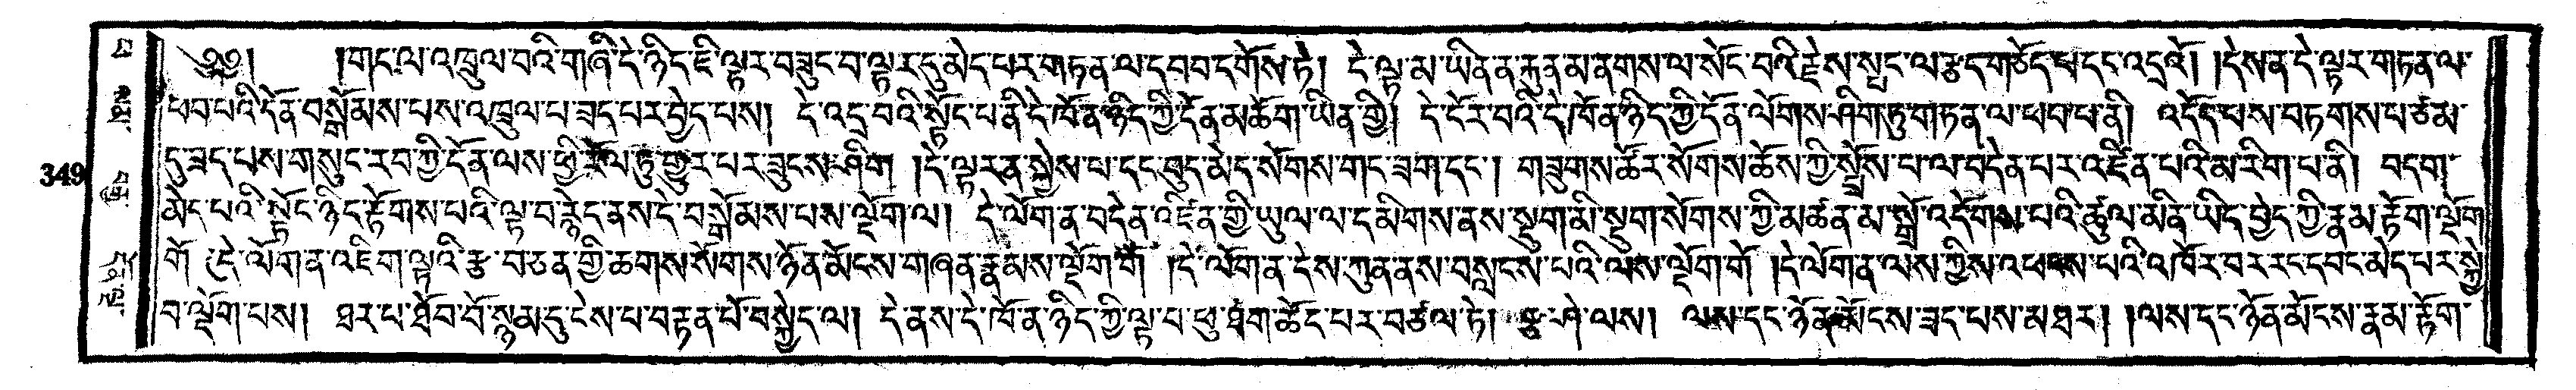༄༅། །གང་ལ་འཁྲུལ་བའི་གཞི་དེ་ཉིད་ཇི་ལྟར་བཟུང་བ་ལྟར་དུ་མེད་པར་གཏན་ལ་དབབ་དགོས་ཏེ། དེ་ལྟ་མ་ཡིན་ན་རྐུན་མ་ནགས་ལ་སོང་བའི་རྗེས་སྤང་ལ་རྩད་གཅོད་པ་དང་འདྲའོ། །དེས་ན་དེ་ལྟར་གཏན་ལ་
ཕབ་པའི་དོན་བསྒོམས་པས་འཁྲུལ་པ་ཟད་པར་བྱེད་པས། དེ་འདྲ་བའི་སྟོང་པ་ཉིད་ཁོ་ན་ཉིད་ཀྱི་དོན་མཆོག་ཡིན་གྱི། དེ་ངོར་བའི་དེ་ཁོ་ན་ཉིད་ཀྱི་དོན་ལོགས་ཤིག་ཏུ་གཏན་ལ་ཕབ་པ་ནི། འདོད་པས་བཏགས་པ་ཙམ་
དུ་ཟད་པས་གསུང་རབ་ཀྱི་དོན་ལས་ཕྱི་རོལ་ཏུ་གྱུར་པར་ཟུངས་ཤིག །དེ་ལྟར་ན་སྐྱེས་པ་དང་བུད་མེད་སོགས་གང་ཟག་དང་། གཟུགས་ཚོར་སོགས་ཆོས་ཀྱི་སྤྲོས་པ་ལ་བདེན་པར་འཛིན་པའི་མ་རིག་པ་ནི། བདག་
མེད་པའི་སྟོང་ཉིད་རྟོགས་པའི་ལྟ་བ་རྙེད་ནས་དེ་བསྒོམས་པས་ལྡོག་ལ། དེ་ལོག་ན་བདེན་འཛིན་གྱི་ཡུལ་ལ་དམིགས་ནས་སྡུག་མི་སྡུག་སོགས་ཀྱི་མཚན་མ་སྒྲོ་འདོགས་པའི་ཚུལ་མིན་ཡིད་བྱེད་ཀྱི་རྣམ་རྟོག་ལྡོག་
གོ ༑དེ་ལོག་ན་འཇིག་ལྟའི་རྩ་བ་ཅན་གྱི་ཆགས་སོགས་ཉོན་མོངས་གཞན་རྣམས་ལྡོག་གོ །དེ་ལོག་ན་དེས་ཀུན་ནས་བསླངས་པའི་ལས་ལྡོག་གོ །དེ་ལོག་ན་ལས་ཀྱིས་འཕངས་པའི་འཁོར་བར་རང་དབང་མེད་པར་སྐྱེ་
བ་ལྡོག་པས། ཐར་པ་ཐོབ་པོ་སྙམ་དུ་ངེས་པ་བརྟན་པོ་བསྐྱེད་ལ། དེ་ནས་དེ་ཁོ་ན་ཉིད་ཀྱི་ལྟ་པ་ཕུ་ཐག་ཚོང་པར་བཙལ་ཏེ། རྩ་ཤེ་ལས། ལས་དང་ཉོན་མོངས་ཟད་པས་མཐར། ། ལས་དང་ཉོན་མོངས་རྣམ་རྟོག་